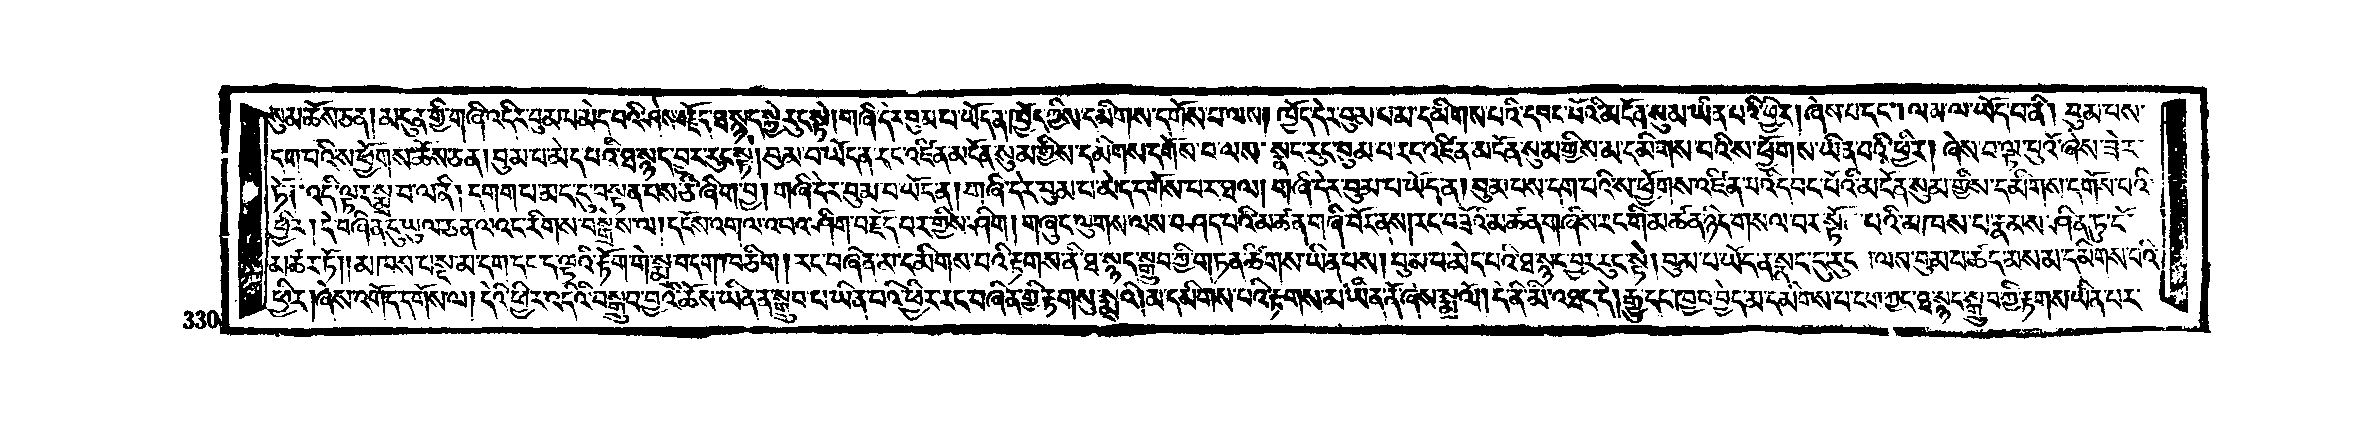སུམ་ཆོས་ཅན། མདུན་གྱི་གཞི་འདིར་བུམ་པ་མེད་པའི་ཤེས་བརྗོད་ཐ་སྙད་སྐྱེ་རུང་སྟེ། གཞི་དེར་བུམ་པ་ཡོད་ན་ཁྱོད་ཀྱིས་དམིགས་དགོས་པ་ལས། ཁྱོད་དེར་བུམ་པ་མ་དམིགས་པའི་དབང་པོའི་མངོན་སུམ་ཡིན་པའི་ཕྱིར། ཞེས་པ་དང་། ལས་ལ་ཡོད་པ་ནི། བུམ་པས་
དག་པའི་ས་ཕྱོགས་ཆོས་ཅན། བུམ་པ་མེད་པའི་ཐ་སྙད་བྱར་རུང་སྟེ། བུམ་པ་ཡོད་ན་རང་འཛིན་མངོན་སུམ་གྱིས་དམིགས་དགོས་པ་ལས་སྣང་རུང་བུམ་པ་རང་འཛིན་མངོན་སུམ་གྱིས་མ་དམིགས་པའི་ས་ཕྱོགས་ཡིན་པའི་ཕྱིར། ཞེས་པ་ལྟ་བུའོ་ཞེས་ཟེར་
ཏོ། །འདི་ལྟར་སྨྲ་བ་ལ་ནི། དགག་པ་མང་དུ་བསྟན་པས་ཅི་ཞིག་བྱ། གཞི་དེར་བུམ་པ་ཡོད་ན། གཞི་དེར་བུམ་པ་མེད་དགོས་པར་ཐལ། གཞི་དེར་བུམ་པ་ཡོད་ན། བུམ་པས་དག་པའི་ས་ཕྱོགས་འཛིན་པའི་དབང་པོའི་མངོན་སུམ་གྱིས་དམིགས་དགོས་པའི་
ཕྱིར། དེ་བཞིན་དུ་ཡུལ་ཅན་ལའང་རིགས་བསྒྲེས་ལ། དངོས་འགལ་འབའ་ཤིག་བརྗོད་པར་གྱིས་ཤིག ། གཞུང་ལུགས་ལས་བཤད་པའི་མཚན་གཞི་བོར་ནས། རང་བཟོའི་མཚན་གཞིས་རང་གི་མཚན་ཉིད་གསལ་བར་སྟོན་པའི་མཁས་པ་རྣམས་ཤིན་ཏུ་ངོ་
མཚར་ཏོ། །མཁས་པ་སྔ་མ་དག་དང་ད་ལྟའི་རྟོག་གེ་སྨྲ་བ་དག་ཁ་ཅིག ། རང་བཞིན་མ་དམིགས་པའི་རྟགས་ནི་ཐ་སྙད་སྒྲུབ་ཀྱི་གཏན་ཚིགས་ཡིན་པས། བུམ་པ་མེད་པའི་ཐ་སྙད་བྱར་རུང་སྟེ། བུམ་པ་ཡོད་ན་སྣང་དུ་རུང་བ་ལས་བུམ་པ་ཚད་མས་མ་དམིགས་པའི་
ཕྱིར། ཞེས་འགོད་དགོས་ལ། དེའི་ཕྱིར་འདིའི་བསྒྲུབ་བྱའི་ཆོས་ཡིན་ན་སྒྲུབ་པ་ཡིན་པའི་ཕྱིར་རང་བཞིན་གྱི་རྟགས་སུ་སྨྲའི། མ་དམིགས་པའི་རྟགས་མ་ཡིན་ནོ་ཞེས་སྨྲའོ། དེ་ནི་མི་འཐད་དེ། རྒྱུ་དང་ཁྱབ་བྱེད་མ་དམིགས་པ་དག་ཀྱང་ཐ་སྙད་སྒྲུབ་ཀྱི་རྟགས་ཡིན་པར་